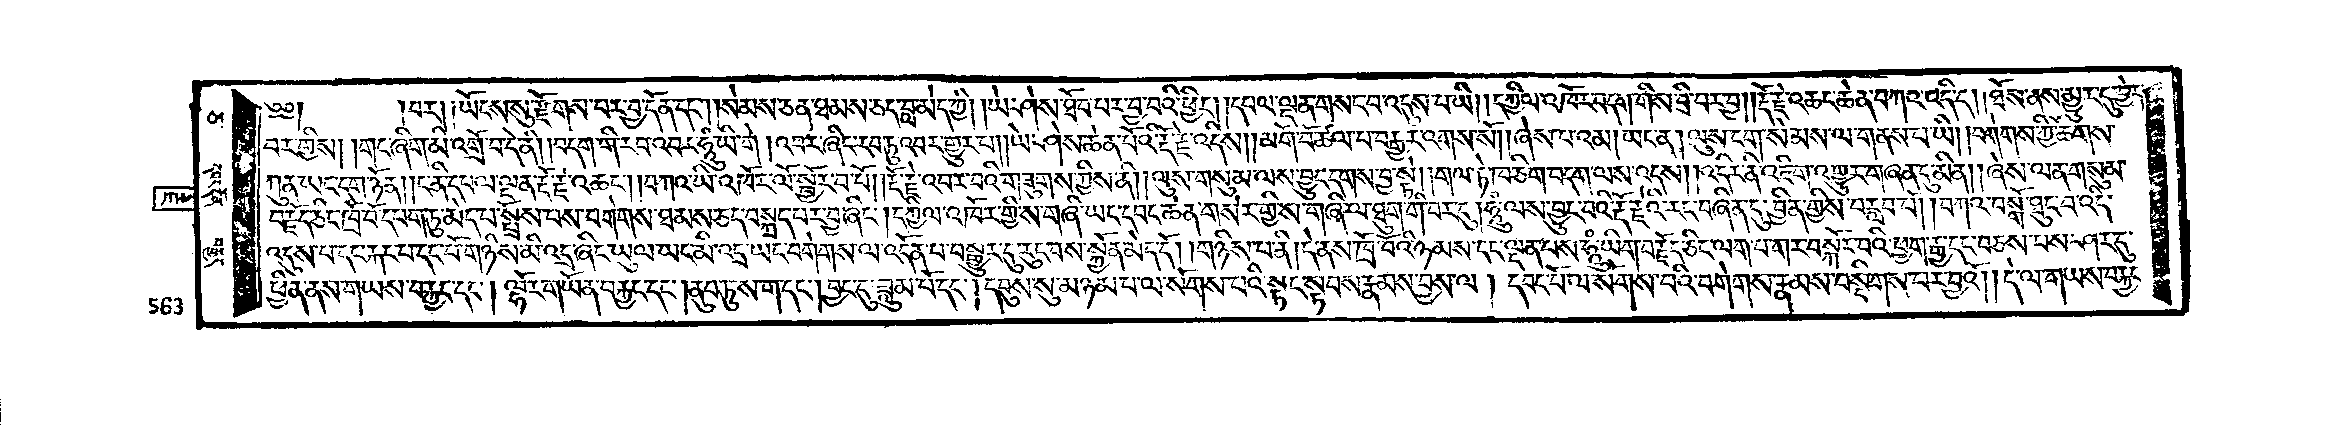༄༅། །པར། །ཡོངས་སུ་རྫོགས་པར་བྱ་དོན་དང་། །སེམས་ཅན་ཐམས་ཅད་བླ་མེད་ཀྱི། །ཡེ་ཤེས་ཐོབ་པར་བྱ་བའི་ཕྱིར། །དཔལ་ལྡན་གསང་བ་འདུས་པ་ཡི། །དཀྱིལ་འཁོར་བདག་གིས་བྲི་བར་བྱ། །རྡོ་རྗེ་འཆང་ཆེན་བཀའ་འདི་ད། །ཐོས་ནས་མྱུར་དུ་བྱེར་
བར་གྱིས། །གང་ཞིག་མི་འགྲོ་བ་དེ་ནི། །བདག་གི་རབ་འབར་ཧཱུཾ་ཡི་གེ། །འབར་ཞིང་རབ་ཏུ་འབར་གྱུར་པ། །ཡེ་ཤེས་ཆེན་པོའི་རྡོ་རྗེ་འདིས། །མགོ་བོ་ཚལ་པ་བརྒྱར་འགས་སོ། །ཞེས་པའམ། ཡང་ན། ལུས་ངག་སེམས་ལ་གནས་པ་ཡི། །བགེགས་ཀྱི་ཚོགས་
ཀུན་ཡང་དག་ཉོན། །ང་ནི་དཔལ་ལྡན་རྡོ་རྗེ་འཆང་། །བཀའ་ཡི་འཁོར་ལོ་སྦྱོར་བ་པོ། །རྡོ་རྗེ་འབར་བའི་གཟུགས་ཀྱིས་ནི། །ལུས་གསུམ་ལས་བྱུང་དགས་བྱ་སྟེ། །གལ་ཏེ་ཁ་ཅིག་བདག་ལས་འདས། །འདིར་ནི་འཇིག་འགྱུར་གཞན་དུ་མིན། །ཞེས་ལན་གསུམ་
བརྗོད་ཅིང་ཁྲོ་བོ་དཔག་ཏུ་མེད་པ་སྤྲོས་པས་བགེགས་ཐམས་ཅད་བསྐྲད་པར་བྱ་ཞིང་། དཀྱིལ་འཁོར་གྱི་ས་གཞི་ཡང་དབང་ཆེན་གསེར་གྱི་ས་གཞི་ལ་ཐུག་གི་བར་དུ། ཧཱུཾ་ལས་བྱུང་བའི་རྡོ་རྗེའི་རང་བཞིན་དུ་བྱིན་གྱིས་བརླབ་པོ། །བཀའ་བསྒོ་ཐུང་བ་འདི་
འདུས་པ་དང་རྐང་པ་དང་པོ་གཉིས་མི་འདྲ་ཞིང་ཡུལ་ཡང་མི་འདྲ་ཡང་བགེགས་ལ་འདོན་པ་བསྒྱུར་དུ་རུང་བས་སྐྱོན་མེད་དོ། །གཉིས་པ་ནི། དེ་ནས་ཁྲོ་བོའི་ཉམས་དང་ལྡན་པས་ཧཱུཾ་ཡིག་བརྗོད་ཅིང་ལག་པ་གར་བསྐོར་བའི་ཕྱག་རྒྱ་དང་བཅས་པས་ཤར་དུ་
ཕྱིན་ནས་གཡས་བརྐྱང་དང་། ལྷོར་གཡོན་བརྐྱང་དང་། ནུབ་ཏུ་ས་ག་དང་། བྱང་དུ་ཟླུམ་པོ་དང་། དབུས་སུ་མཉམ་པ་ལ་སོགས་པའི་སྟང་སྟབས་རྣམས་བྱས་ལ། དབང་པོ་ལ་སོགས་པའི་བགེགས་རྣམས་བསྡིགས་པར་བྱའོ། །དེ་ལ་གཡས་བརྐྱང་